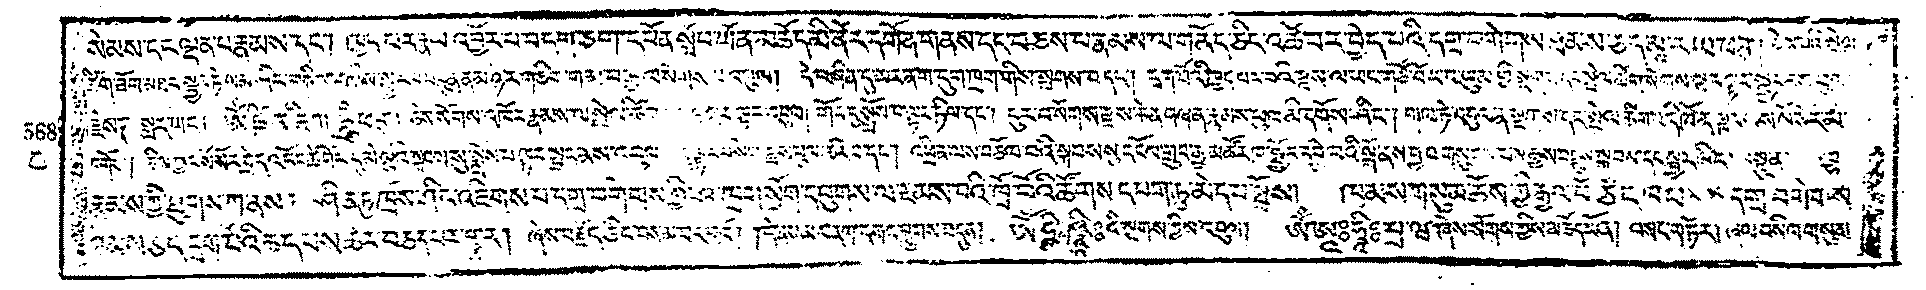སེམས་དང་ལྡན་པ་རྣམས་དང་། ཁྱད་པར་རྣལ་འབྱོར་བ་བདག་ཅག་དཔོན་སློབ་ཡོན་མཆོད་མི་ནོར་དགོན་གནས་དང་བཅས་པ་རྣམས་ལ་གནོད་ཅིང་འཚོ་བར་བྱེད་པའི་དགྲ་བགེགས་ཐམས་ཅད་མཱ་ར་ཡ་ཕཊ། ཅེས་པའི་སྤེལ་
ཚིག་ཐོག་མཐར་སྦྱར་ཏེ་ཡམ་ཤིང་གཉིས་གཉིས་སྦྱར་བ་བདུན་ནམ་ཉེར་གཅིག་གམ་བརྒྱ་ལ་སོགས་པ་འབུལ། དེ་བཞིན་དུ་མར་ནག་དུག་ཁྲག་གིས་སྤགས་པ་དང་། དྲག་པོའི་ཁྱད་པར་བའི་རྫས་ལ་ཡང་གཙོ་བོར་ཡབ་ཡུམ་གྱི་སྡགས་དང་སྤེལ་ཚིགས་སོགས་སྔར་ལྟར་སྦྱར་ནས་བུལ་
རྗེས༑ སླར་ཡང་། ཨོཾ་ཛིན་ཛི་ཀ་ཧཱུཾ་ཕཊ། ཅེས་སོགས་འཁོར་རྣམས་ལ་སྤེལ་ཚིག་?་ཏེ་སྔར་ལྟར་འབུལ། གོང་དུ་སྨྲོས་བ་ལྟར་ཏིལ་དང་། དུར་བ་སོགས་རྫས་ཆེན་གཞན་རྣམས་ཕུལ་མི་དགོས་ཤིང་། གལ་ཏེ་འབྱུལ་ན་སྔགས་དང་སྤེལ་ཚིགས་འདི་ཁོ་ན་ལྟར་འས་སོར་རམ་
དགོས། ཅིས་ཀྱང་སོ་སོར་བྱེད་འདོད་ཚོ་གོང་དུ་མེ་ལྷའི་སྐབས་སུ་སྨྲེས་པ་ལྟར་སྦྱར་ནས་འབུལ། །ད་ལྟར་བསྲེག་རྫས་ཕུལ་ཚར་བ་དང་། འཕྲིན་ལས་བཅོལ་བཅོལ་བའི་སྐབས་སུ་དངོས་བའི་སྐབས་སུ་དངོས་གྲུབ་རྒྱ་མཚོར་ཁ་སྤྱོར་དབྱེ་བའི་སྒོ་ནས་བྱ་བ་གསུངས་པས་རྒྱས་བལྡུས་སྐབས་དང་སྦྱར་ཞིང་བསྡུན། ལྷ
རྣམས་ཀྱི་ཐུགས་ཀ་ནས། ཤིན་ཏུ་ཁྲོས་ཤིང་འཇིགས་པ་དགྲ་བགེགས་ཀྱི་ཤ་ཁྲག་སྲོག་དབུགས་ལ་རྔམས་བའི་ཁྲོ་བོའི་ཚོགས་དཔག་ཏུ་མེད་པ་སྤྲོས། ཁམས་གསུམ་ཆོས་ཀྱི་རྒྱལ་པོ་ཙོང་ཁ་པ་྾྾྾་དགྲ་བགེབས་
ཐམས་ཅད་དྲག་པོའི་ཆད་པས་ཚར་བཅད་པར་གྱུར། ཞེས་བརྗོད་ཅིང་བསམ་པར་བྱའོ། །དེ་ནས་མར་ནག་དགང་བླུགས་བདུན།  ཨོཾ་ཧྲཱིཿཥྞཱིཿའིསྔགས་ཀྱིས་འབུལ།  ཨོཾ་ཨཱཿཧྲཱིཿཔྲ་ཝ་ཞེས་སོགས་ཀྱིས་མཆོད་ཡོན། བསང་གཏོར། ཞལ་བསིལ་གསུམ་